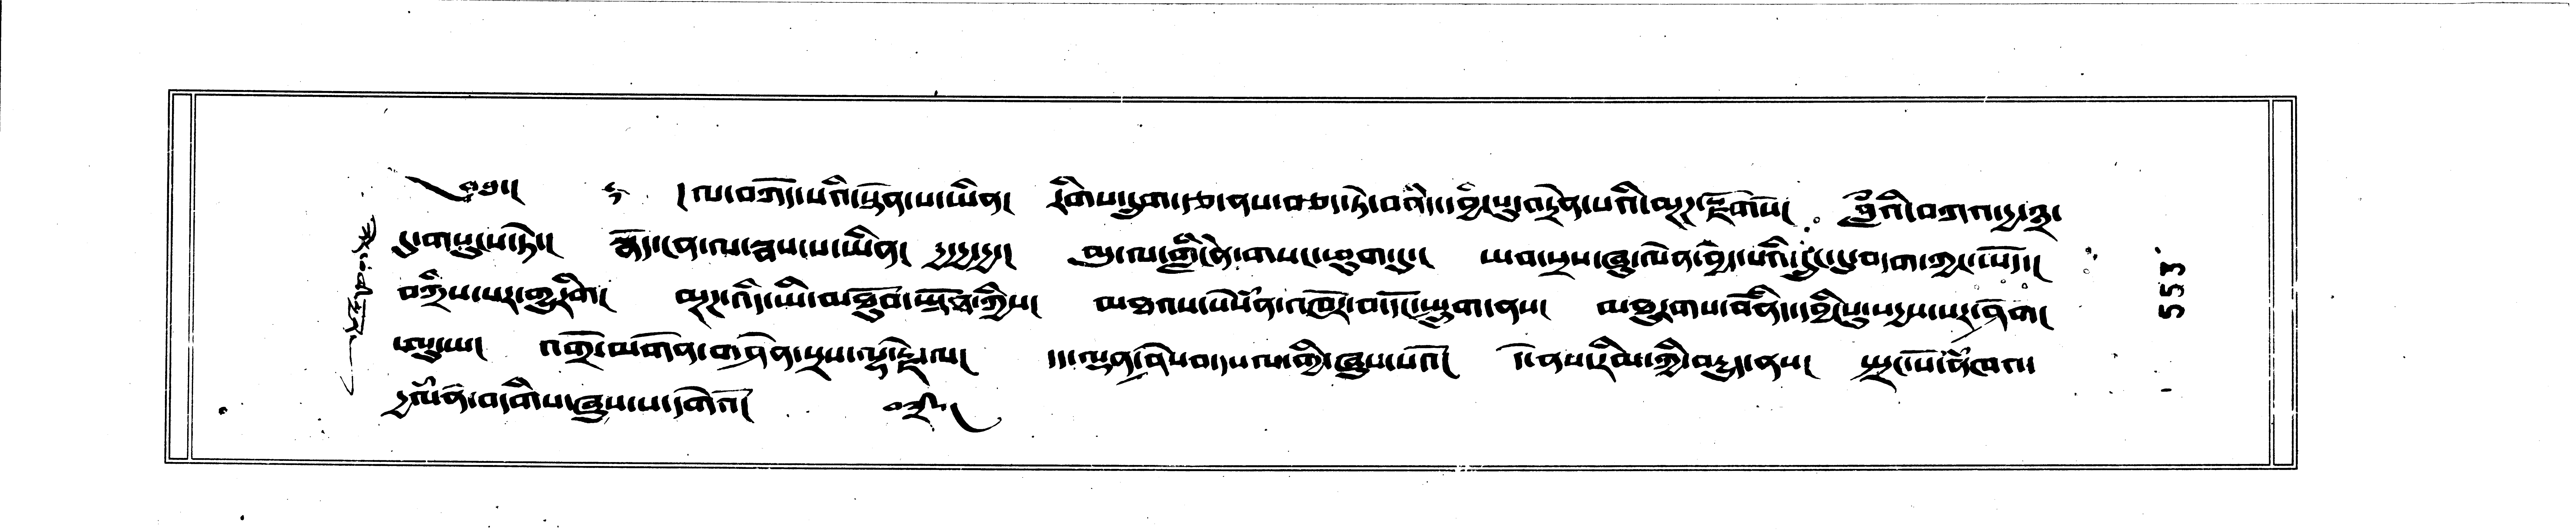ལ་བཀོད་པའི་སྟོན་པ་ཡིན། རིགས་དྲུག་རྩད་ནས་བཅད་ཏེབོན་ཉིད་དབྱིངས་སུ་འདྲེན་པའི་མན་ངག་རྫོགས་སོ། བླ་མའི་བཀའ་རྒྱ་གསུམ་
དུ་གསུངས་ཏེ། སྣོད་ངན་ལ་སྦས་པ་ཡིན། རྒྱ་རྒྱ་རྒྱ། མུ་ལ་གླིང་ཆེན་གསང་ཕུག་དུ། ཡབ་སྲས་ཞུ་ལེན་བྱེད་པའི་དྲུང་དུ་བདག་ཀྱང་ཡོད།
 བཀྲ་ཤིས་པར་གྱུར་ཅིག། མན་ངག་འདི་ཡི་མཐུ་སྟོབ་ཡོན་ཏན་ཀྱིས། མཐའ་ཡས་སེམས་ཅན་འཁོར་བ་དོང་སྤྲུག་ནས། མཐར་ཐུགས་བོན་ཉིད་དབྱིངས་སུ་སངས་རྒྱས་པར་ཤོག 
ཨུ་ཡ། འགྲོ་མགོན་གཤེན་སྲས་ལྷ་རྗེ་ལ། དད་ལྡན་ཤེས་རབ་དཔལ་གྱི་ཞུས་པའོ། དེ་ནས་རིམ་ཀྱི་བརྒྱུད་ནས། སྤྲང་པོ་ནམ་མཁའ་
རྒྱལ་མཚན་བདག་གིས་ཞུས་པ་དགེའོ། བཀྲ་ཤིས།”